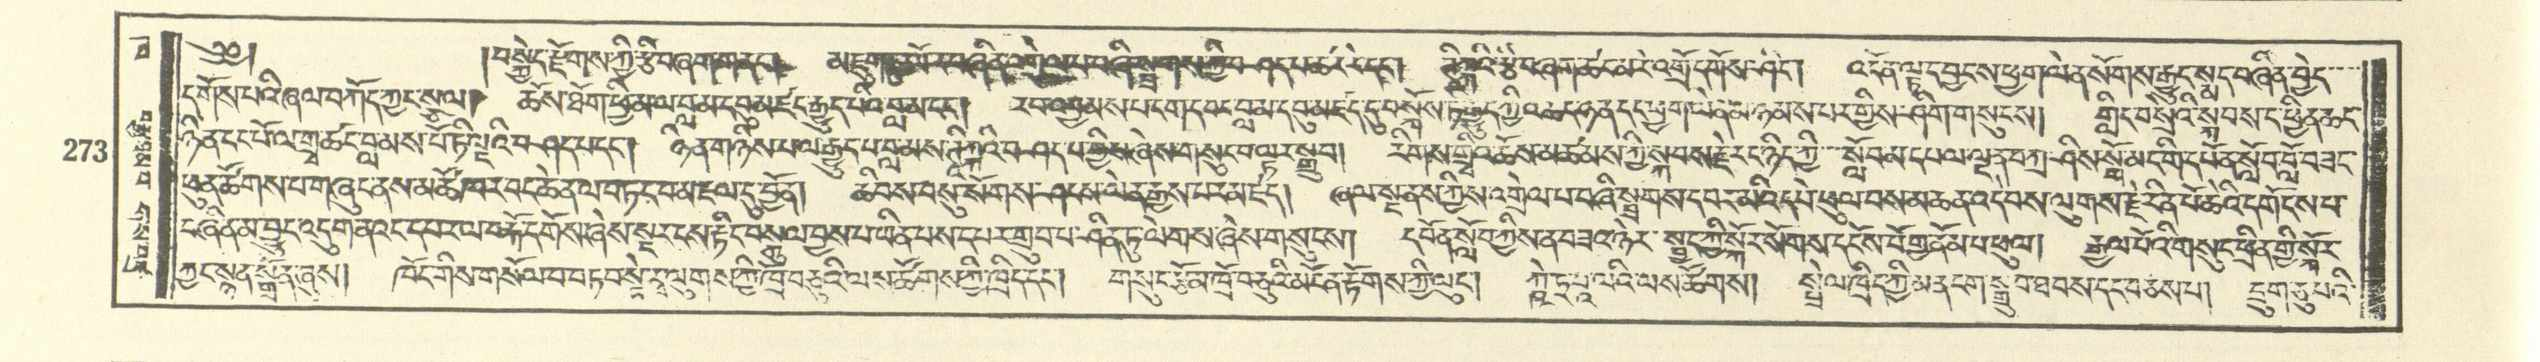༄༅། །བསྐྱེད་རྫོགས་ཀྱི་རྩི་བཞག་གནང་། མཇུག་ཏུ་ལོ་རེ་བཞིན་འགྲེལ་པ་བཞི་སྦྲགས་ཀྱི་བཤད་པ་ཚར་རེ་དང་། ཊཱིཀྐའི་རྩི་བཞག་ཚང་མ་རེ་འགྲོ་དགོས་ཤིང་། འདོན་ལྟ་དབྱངས་ཕྱག་ལེན་སོགས་རྒྱུད་སྨད་བཞིན་བྱེད་
དགོས་པའི་ཞལ་བཀོད་ཀྱང་སྩལ། ཆོས་ཐོག་ཕྱི་མ་ལ་བླ་མ་དབུ་མཛད་རྒྱུད་པའི་བླ་མ་དང་། རབ་འབྱམས་པ་ངག་དབང་བླ་མ་དབུ་མཛད་དུ་བསྐོས་ཏེ་རྒྱུད་ཀྱི་འཆད་ཉན་དང་ཕྱག་ལེན་མ་ཉམས་པར་གྱིས་ཤིག་གསུངས། གླིང་བསྲེའི་སྐྱབས་ད་ཕྱིན་ཆང་
ཉིན་དང་པོ་ལ་གྲྭ་ཚང་བླ་མས་པོ་ཏི་ལྔའི་བཤད་པ་དང་། ཉིན་གཉིས་པ་ལ་རྒྱུད་པ་བླ་མས་ཊཱིཀྐའི་བཤད་པ་གྱིས་ཞེས་གསུང་བ་ལྟར་སྒྲུབ། རིགས་གྲྭའི་ཆོས་མཚམས་ཀྱི་སྐབས་རྗེ་རང་ཉིད་ཀྱི་སློབ་མ་དཔལ་ལྡན་བཀྲ་ཤིས་སྒོ་མང་གི་དཔོན་སློབ་བློ་བཟང་
ཕུན་ཚོགས་པ་གཞུང་ནས་མཚོ་ཁར་བང་ཆེན་ལ་བཏང་བ་མཇལ་དུ་བྱོན། ཆིབས་བསུ་སོགས་ཤངས་ལེན་རྒྱས་པར་མཛད། ཞལ་སྔ་ནས་ཀྱིས་འགྲེལ་པ་བཞི་སྦྲགས་དབང་མའི་དཔེ་ཕུལ་བས་མཆན་འདེབས་ལུགས་རྗེ་རིན་པོ་ཆེའི་དགོངས་པ་
བཞིན་མ་བྱུང་འདུག་ནའང་དཔར་ལ་བརྐོ་དགོས་ཞེས་སྔར་ངས་རྟིང་བསྐུལ་བྱས་པ་ཡིན་པས་དཔར་གྲུབ་པ་ཤིན་ཏུ་ལེགས་ཞེས་གསུངས། དཔོན་སློབ་ཀྱིས་ན་བཟའ་ཉེར་སྤྱད་ཀྱི་སྐོར་སོགས་དངོས་པོ་གྱ་ནོམ་པ་ཕུལ། རྒྱལ་པོའི་གསུང་ཕྲིན་གྱི་སྐོར་
ཀྱང་སྙན་སྒྲོན་ཞུས། ཁོང་གིས་གསོལ་བ་བཏབ་སྟེ་རྭ་ལུགས་ཀྱི་ཁྲོ་བཅུའི་ལས་ཚོགས་ཀྱི་ཁྲིད་དང་། གསུང་རྩོམ་ཁྲོ་བཅུའི་མངོན་རྟོགས་ཀྱི་ལུང་། ཀྵེ་ཏྲ་པཱ་ལའི་ལས་ཚོགས། སྤྲེལ་ཁྲིད་ཀྱི་མན་ངག་སྒྲུབ་ཐབས་དང་བཅས་པ། དྲུག་ཅུ་པའི་